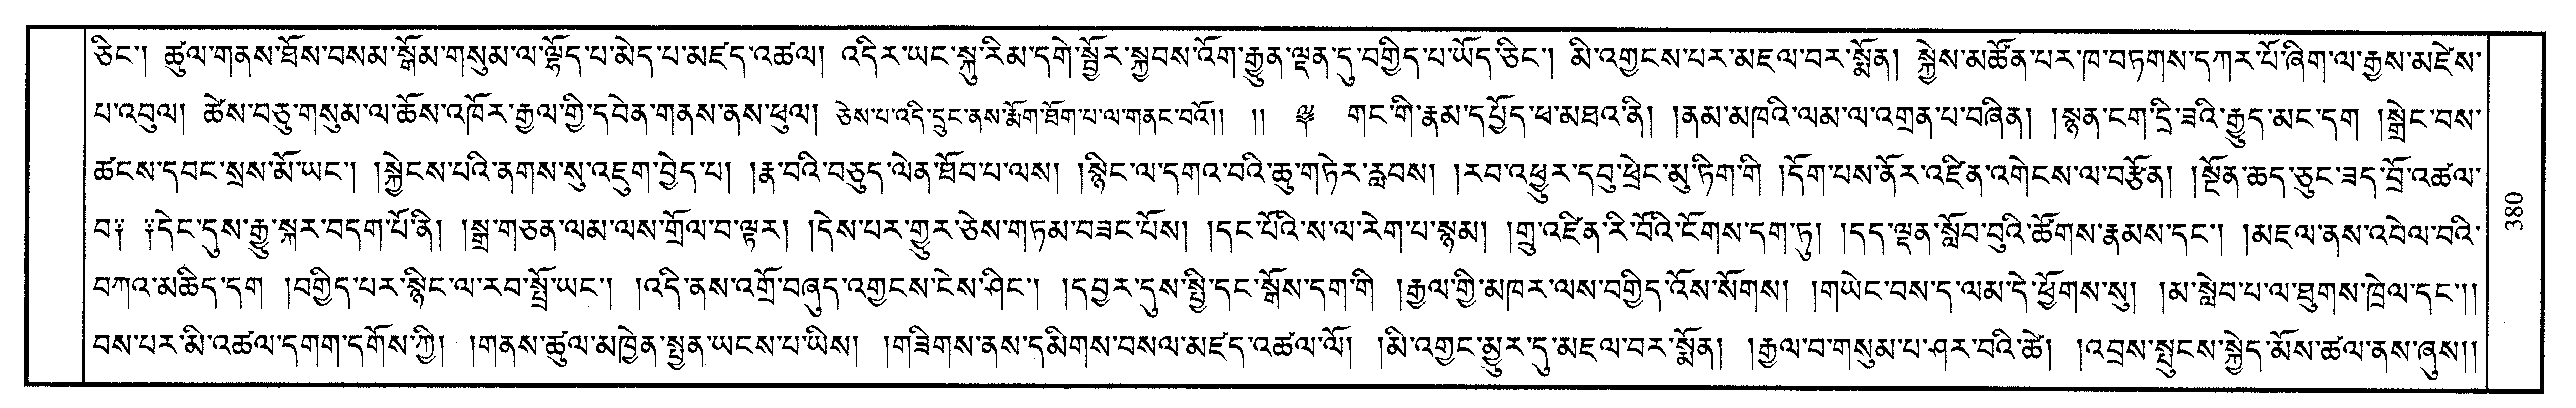ཅིང་། ཚུལ་གནས་ཐོས་བསམ་སྒོམ་གསུམ་ལ་ལྷོད་པ་མེད་པ་མཛད་འཚལ། འདིར་ཡང་སྐུ་རིམ་དགེ་སྦྱོར་སྐྱབས་འོག་རྒྱུན་ལྡན་དུ་བགྱིད་པ་ཡོད་ཅིང་། མི་འགྱངས་པར་མཇལ་བར་སྨོན། སྐྱེས་མཚོན་པར་ཁ་བཏགས་དཀར་པོ་ཞིག་ལ་རྒྱས་མཛེས་
པ་འབུལ། ཚེས་བཅུ་གསུམ་ལ་ཆོས་འཁོར་རྒྱལ་གྱི་དབེན་གནས་ནས་ཕུལ། ཅེས་པ་འདི་དྲུང་ནས་རྨོག་ཐོག་པ་ལ་གནང་བའོ།། །། ༈ གང་གི་རྣམ་དཔྱོད་ཕ་མཐའ་ནི། །ནམ་མཁའི་ལམ་ལ་འགྲན་པ་བཞིན། །སྙན་ངག་དྲི་ཟའི་རྒྱུད་མང་དག །སྒྲེང་བས་
ཚངས་དབང་སྲས་མོ་ཡང་། །སྐྱེངས་པའི་ནགས་སུ་འཇུག་བྱེད་པ། །རྣ་བའི་བཅུད་ལེན་ཐོབ་པ་ལས། །སྙིང་ལ་དགའ་བའི་ཆུ་གཏེར་རླབས། །རབ་འཕྱུར་དབུ་ཕྲེང་མུ་ཏིག་གི །དོག་པས་ནོར་འཛིན་འགེངས་ལ་བརྩོན། །སྔོན་ཆད་ཅུང་ཟད་བྲོ་འཚལ་
བ༑ ༑དེང་དུས་རྒྱུ་སྐར་བདག་པོ་ནི། །སྒྲ་གཅན་ལམ་ལས་གྲོལ་བ་ལྟར། །དེས་པར་གྱུར་ཅེས་གཏམ་བཟང་པོས། །དང་པོའི་ས་ལ་རེག་པ་སྙམ། །གྲུ་འཛིན་རི་བོའི་ངོགས་དག་ཏུ། །དད་ལྡན་སློབ་བུའི་ཚོགས་རྣམས་དང་། །མཇལ་ནས་འབེལ་བའི་
བཀའ་མཆིད་དག །བགྱིད་པར་སྙིང་ལ་རབ་སྤྲོ་ཡང་། །འདི་ནས་འགྲོ་བཞུད་འགྱངས་ངེས་ཤིང་། །དབྱར་དུས་སྤྱི་དང་སྒོས་དག་གི །རྒྱལ་གྱི་མཁར་ལས་བགྱིད་འོས་སོགས། །གཡེང་བས་ད་ལམ་དེ་ཕྱོགས་སུ། །མ་སླེབ་པ་ལ་ཐུགས་ཁྲེལ་དང།།
བས་པར་མི་འཚལ་དགག་དགོས་ཀྱི། །གནས་ཚུལ་མཁྱེན་སྤྱན་ཡངས་པ་ཡིས། །གཟིགས་ནས་དམིགས་བསལ་མཛད་འཚལ་ལོ། །མི་འགྱང་མྱུར་དུ་མཇལ་བར་སྨོན། །རྒྱལ་བ་གསུམ་པ་ཤར་བའི་ཚེ། །འབྲས་སྤུངས་སྐྱེད་མོས་ཚལ་ནས་ཞུས།།